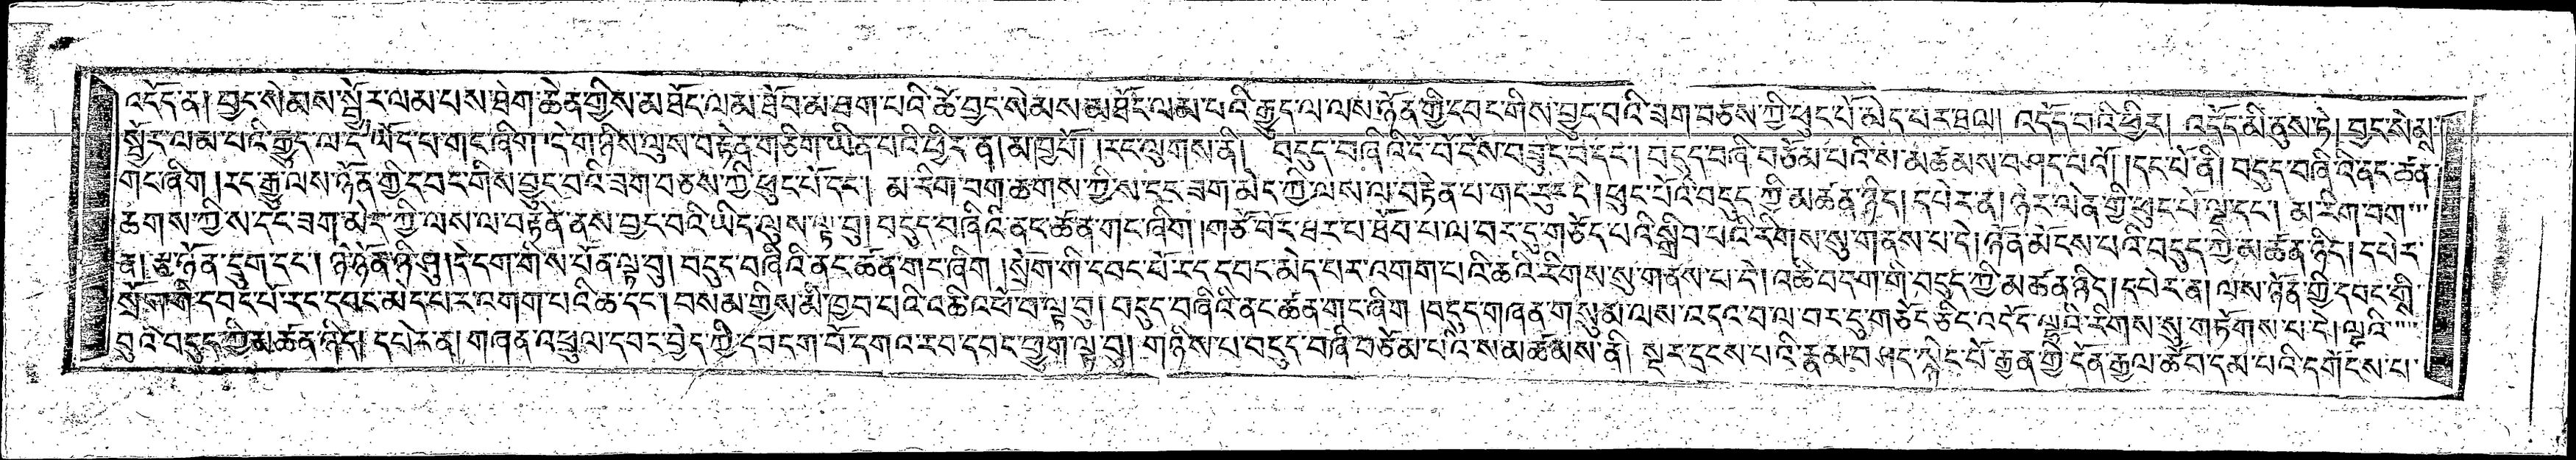འདོད་ན། བྱང་སེམས་སྦྱོར་ལམ་པས་ཐེག་ཆེན་གྱིས་མཐོང་ལམ་ཐོབ་མ་ཐག་པའི་ཚེ་བྱང་སེམས་མཐོང་ལམ་པའི་རྒྱུད་ལ་ལས་ཉོན་གྱི་དབང་གིས་བྱུང་བའི་ཟག་བཅས་ཀྱི་ཕུང་པོ་མེད་པར་ཐལ། འདོད་པའི་ཕྱིར། འདོད་མི་ནུས་ཏེ། བྱང་སེམས་
སྦྱོར་ལམ་པའི་རྒྱུད་ལ་དེ་ཡོད་པ་གང་ཞིག། དེ་གཉིས་ལུས་རྟེན་གཅིག་ཡིན་པའི་ཕྱིར་ན། མ་ཁྱབ་བོ། །རང་ལུགས་ནི། བདུད་བཞིའི་ངོ་བོ་ངོས་བཟུང་བ་དང་། བདུད་བཞི་བཅོམ་པའི་ས་མཚམས་བཤད་པའོ། །དང་པོ་ནི། བདུད་བཞིའི་ནང་ཚན་
གང་ཞིག །རང་རྒྱུ་ལས་ཉོན་གྱི་དབང་གིས་བྱུང་བའི་ཟག་བཅས་ཀྱི་ཕུང་པོ་དང་། མ་རིག་བག་ཆགས་ཀྱིས་དང་ཟག་མེད་ཀྱི་ལས་ལ་བརྟེན་པ་གང་རུང་དེ། ཕུང་པོའི་བདུད་ཀྱི་མཚན་ཉིད། དཔེར་ན། ཉེར་ལེན་གྱི་ཕུང་པོ་ལྔ་དང་། མ་རིག་བག་
ཆགས་ཀྱིས་དང་ཟག་མེད་ཀྱི་ལས་ལ་བརྟེན་ནས་བྱུང་བའི་ཡིད་ལུས་ལྟ་བུ། བདུད་བཞིའི་ནང་ཚན་གང་ཞིག །གཙོ་བོར་ཐར་པ་ཐོབ་པ་ལ་བར་དུ་གཅོད་པའི་སྒྲིབ་པའི་རིགས་སུ་གནས་པ་དེ། ཉོན་མོངས་པའི་བདུད་ཀྱི་མཚན་ཉིད། དཔེར་
ན། རྩ་ཉོན་དྲུག་དང་། ཉེ་ཉོན་ཉི་ཤུ། དེ་དག་གི་ས་བོན་ལྟ་བུ། བདུད་བཞིའི་ནང་ཚན་གང་ཞིག །སྲོག་གི་དབང་པོ་རང་དབང་མེད་པར་འགག་པའི་ཆའི་རིགས་སུ་གནས་པ་དེ། འཆི་བདག་གི་བདུད་ཀྱི་མཚན་ཉིད། དཔེར་ན། ལས་ཉོན་གྱི་དབང་གིས་
སྲོག་གི་དབང་པོ་རང་དབང་མེད་པར་འགག་པའི་ཆ་དང་། བསམ་གྱིས་མི་ཁྱབ་པའི་འཆི་འཕོ་བ་ལྟ་བུ། བདུད་བཞིའི་ནང་ཚན་གང་ཞིག །བདུད་གཞན་གསུམ་ལས་འདའ་བ་ལ་བར་དུ་གཅོད་ཅིང་འདོད་ལྷའི་རིགས་སུ་གཏོགས་པ་དེ། ལྷའི་
བུའི་བདུད་ཀྱི་མཚན་ཉིད། དཔེར་ན། གཞན་འཕྲུལ་དབང་བྱེད་ཀྱི་དབང་བདག་པོ་དགའ་རབ་དབང་ཕྱུག་ལྟ་བུ། གཉིས་པ་བདུད་བཞི་བཅོམ་པའི་ས་མཚམས་ནི། སྔར་དྲངས་པའི་རྣམ་བཤད་སྙིང་པོ་རྒྱན་གྱི་དོན་རྒྱལ་ཚབ་དམ་པའི་དགོངས་པ་